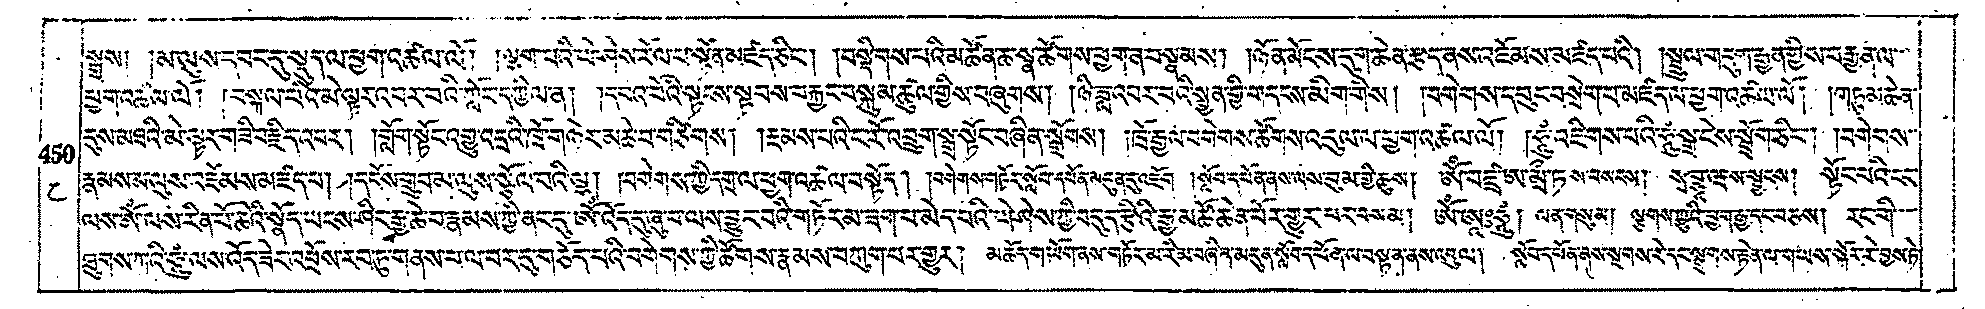སྒྲས། །མ་ལུས་དབང་དུ་སྡུད་ལ་ཕྱག་འཚལ་ལོ། །ལྷག་པའི་ཡེ་ཤེས་རོལ་པ་སྟོན་མཛད་ཅིང་། །བསྡིགས་པའི་མཚོན་ཆ་སྣ་ཚོགས་ཕྱག་ན་བསྣམས། །ཉོན་མོངས་དུག་ཆེན་རྩད་ནས་འཇོམས་མཛད་པའི། །སྦྲུལ་གདུག་རྒྱན་གྱིས་བརྒྱན་ལ་
ཕྱག་འཚལ་ལོ། །བསྐལ་པའི་མེ་ལྟར་འབར་བའི་ཀློང་དཀྱིལ་ན། །དཔའ་བོའི་སྟངས་སྟབས་བརྐྱང་བསྐུམ་ཚུལ་གྱིས་བཞུགས། །ཉི་ཟླ་འབར་བའི་སྤྱན་གྱི་གདངས་མིག་གིས། །བགེགས་དཔུང་བསྲེག་པ་མཛད་ལ་ཕྱག་འཚལ་ལོ། །གཏུམ་ཆེན་
དུས་མཐའི་མེ་ལྟར་གཟི་བརྗིད་འབར། །གློག་སྟོང་འགྱུར་འདྲའི་ཁྲོ་གཉེར་མཆེ་བ་གཙིགས། །རྔམས་པའི་ང་རོ་འབྲུག་སྒྲ་སྟོང་བཞིན་སྒྲོགས། །ཁྲོ་རྒྱལ་བགེགས་ཚོགས་འདུལ་ལ་ཕྱག་འཚལ་ལོ། །ཧཱུཾ་འཇིགས་པའི་ཧཱུཾ་སྒྲ་ངེས་སྒྲོག་ཅིང་། །བགེགས་
རྣམས་མ་ལུས་འཇོམས་མཛད་པ། །དངོས་གྲུབ་མ་ལུས་སྩོལ་བའི་ལྷ། །བགེགས་ཀྱི་དགྲ་ལ་ཕྱག་འཚལ་བསྟོད། །བགེགས་གཏོར་སློབ་དཔོན་མདུན་དུ་འཇོག །སློབ་དཔོན་ནས་ལས་བུམ་གྱི་ཆུས།  ཨོཾ་བཛྲ་ཨ་མྲྀ་ཏ་ས་བསངས།  སྭ་བྷཱ་ཝས་སྦྱངས། སྟོང་པའི་ངང་
ལས་ཨོཾ་ལས་རིན་པོ་ཆེའི་སྣོད་ཡངས་ཤིང་རྒྱ་ཆེ་བ་རྣམས་ཀྱི་ནང་དུ་ཨོཾ་འོད་དུ་ཞུ་བ་ལས་བྱུང་བའི་གཏོར་མ་ཟག་པ་མེད་པའི་ཡེ་ཤེས་ཀྱི་བདུད་རྩིའི་རྒྱ་མཚོ་ཆེན་པོར་གྱུར་པར་བསམ།  ཨོཾ་ཨཱཿཧཱུཾ། ལན་གསུམ། ལྕགས་ཀྱུའི་ཕྱག་རྒྱ་དང་བཅས།  རང་གི་
ཐུགས་ཀའི་ཧཱུཾ་ལས་འོད་ཟེར་འཕྲོས་རབ་ཏུ་གནས་པ་ལ་བར་དུ་གཅོད་པའི་བགེགས་ཀྱི་ཚོགས་རྣམས་བཀུག་པར་གྱུར། མཆོད་གཡོག་ནས་གཏོར་མ་རིམ་བཞིན་མདུན་སློབ་དཔོན་ལ་བསྟན་ནས་འབུལ། སློབ་དཔོན་ནས་སྔགས་རེ་དང་སྦྲགས་རྟེན་ལ་གཡས་སྐོར་རེ་བྱས་ཏེ་